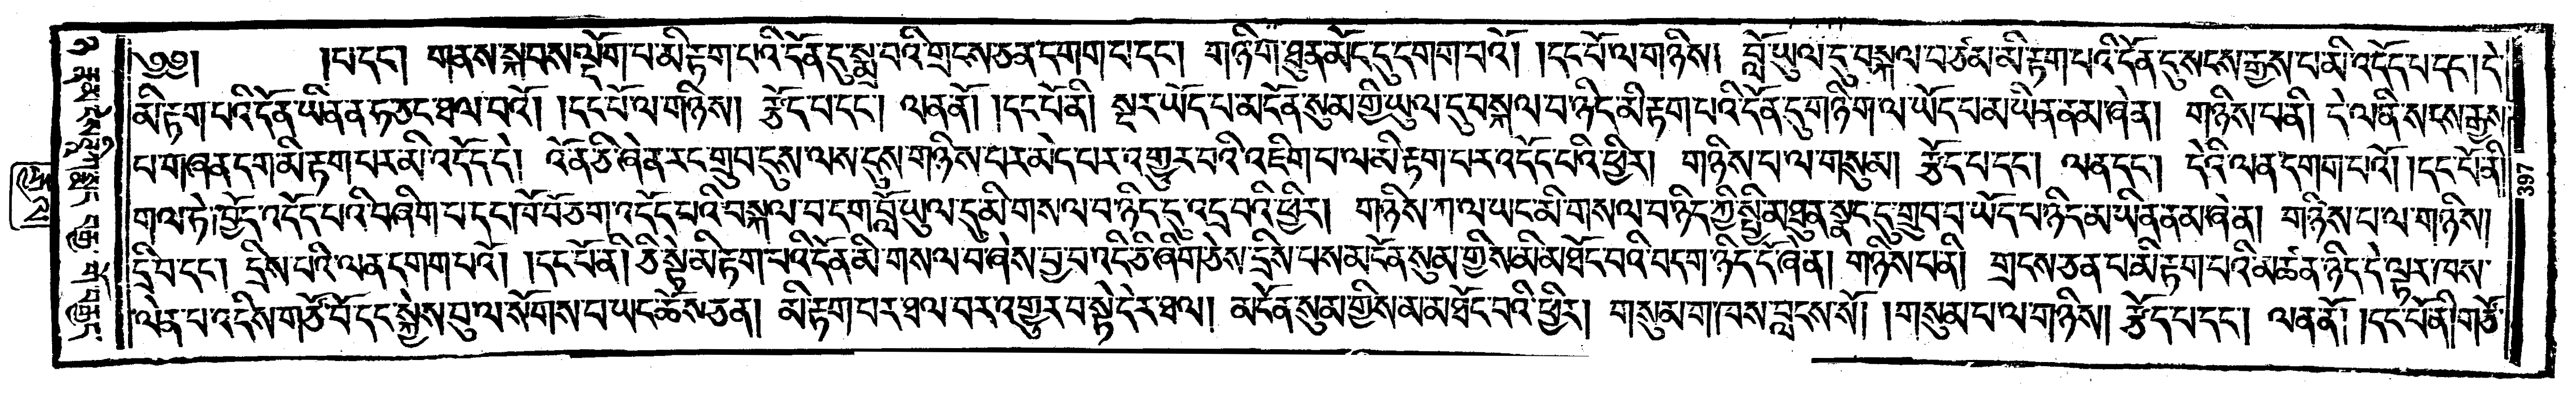༄༅། །པ་དང་། གནས་སྐབས་ལྡོག་པ་མི་རྟག་པའི་དོན་དུ་སྨྲ་བའི་གྲངས་ཅན་དགག་པ་དང་། གཉི་ག་ཐུན་མོང་དུ་དགག་བའོ། །དང་པོ་ལ་གཉིས། བློ་ཡུལ་དུ་བསྐལ་བ་ཙམ་མི་རྟག་པའི་དོན་དུ་སངས་རྒྱས་པ་མི་འདོད་པ་དང་། དེ་
མི་རྟག་པའི་དོན་ཡིན་ན་ཧ་ཅང་ཐལ་བའོ། །དང་པོ་ལ་གཉིས། རྩོད་པ་དང་། ལན་ནོ། །དང་པོ་ནི། སྔར་ཡོད་པ་མངོན་སུམ་གྱི་ཡུལ་དུ་བསྐལ་བ་ཉིད་མི་རྟག་པའི་དོན་དུ་གཉི་ག་ལ་ཡོད་པ་མ་ཡིན་ནམ་ཞེ་ན། གཉིས་པ་ནི། དེ་ལ་ནི་སངས་རྒྱས་
པ་གཞན་དག་མི་རྟག་པར་མི་འདོད་དེ། འོ་ན་ཅི་ཞེ་ན་རང་གྲུབ་དུས་ལས་དུས་གཉིས་པར་མེད་པར་འགྱུར་བའི་འཇིག་པ་ལ་མི་རྟག་པར་འདོད་པའི་ཕྱིར། གཉིས་པ་ལ་གསུམ། རྩོད་པ་དང་། ལན་དང་། དེའི་ལན་དགག་པའོ། །དང་པོ་ནི།
གལ་ཏེ་ཁྱོད་འདོད་པའི་བཞིག་པ་དང་ཁོ་བོ་ཅག་འདོད་པའི་བསྐལ་པ་དག་བློ་ཡུལ་དུ་མི་གསལ་བ་ཉིད་དུ་འདྲ་བའི་ཕྱིར། གཉིས་ཀ་ལ་ཡང་མི་གསལ་བ་ཉིད་ཀྱི་སྤྱི་མཐུན་སྣང་དུ་གྲུབ་པ་ཡོད་པ་ཉིད་མ་ཡིན་ནམ་ཟེཧ་ན། གཉིས་པ་ལ་གཉིས།
དྲི་བ་དང་། དྲིས་པའི་ལན་དགག་པའོ། །དང་པོ་ནི། ཅི་སྟེ་མི་རྟག་པའི་དོན་མི་གསལ་བ་ཞེས་བྱ་བ་འདི་ཅི་ཞིག་ཅེས་དྲིས་པས་མངོན་སུམ་གྱིས་མི་མཐོང་བའི་བདག་ཉིད་དོ་ཞེ་ན། གཉིས་པ་ནི། གྲངས་ཅན་པ་མི་རྟག་པའི་མཚན་ཉིད་དེ་ལྟར་ཁས་
ལེན་པ་འདིས་གཙོ་བོ་དང་སྐྱེས་བུ་ལ་སོགས་པ་ཡང་ཆོས་ཅན། མི་རྟག་པར་ཐལ་བར་འགྱུར་བ་སྟེ་དེར་ཐལ། མངོན་སུམ་གྱིས་མ་མཐོང་བའི་ཕྱིར། གསུམ་ག་ཁས་བླངས་སོ། །གསུམ་པ་ལ་གཉིས། རྩོད་པ་དང་། ལན་ནོ། །དང་པོ་ནི། གཙོ་